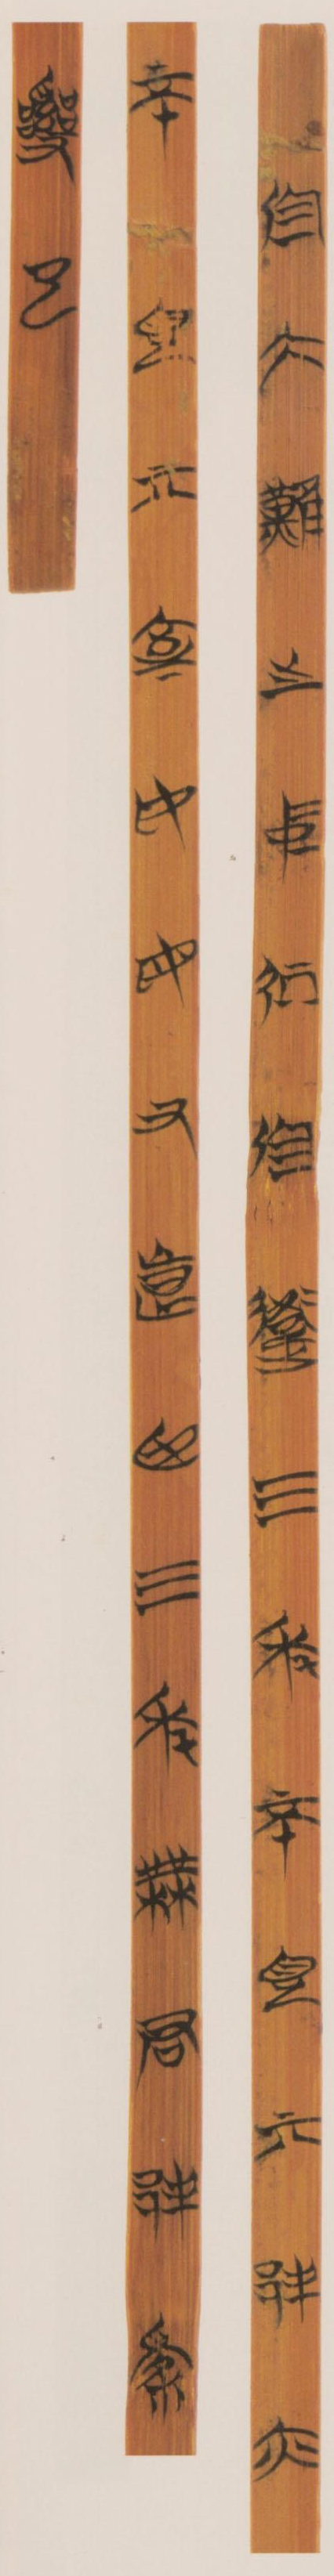於大難之𠁩凥於{衛止}三年不見亓邦亦不見亓室女母又良臣三年無君邦{爪家}{𤔔㗊}巳
